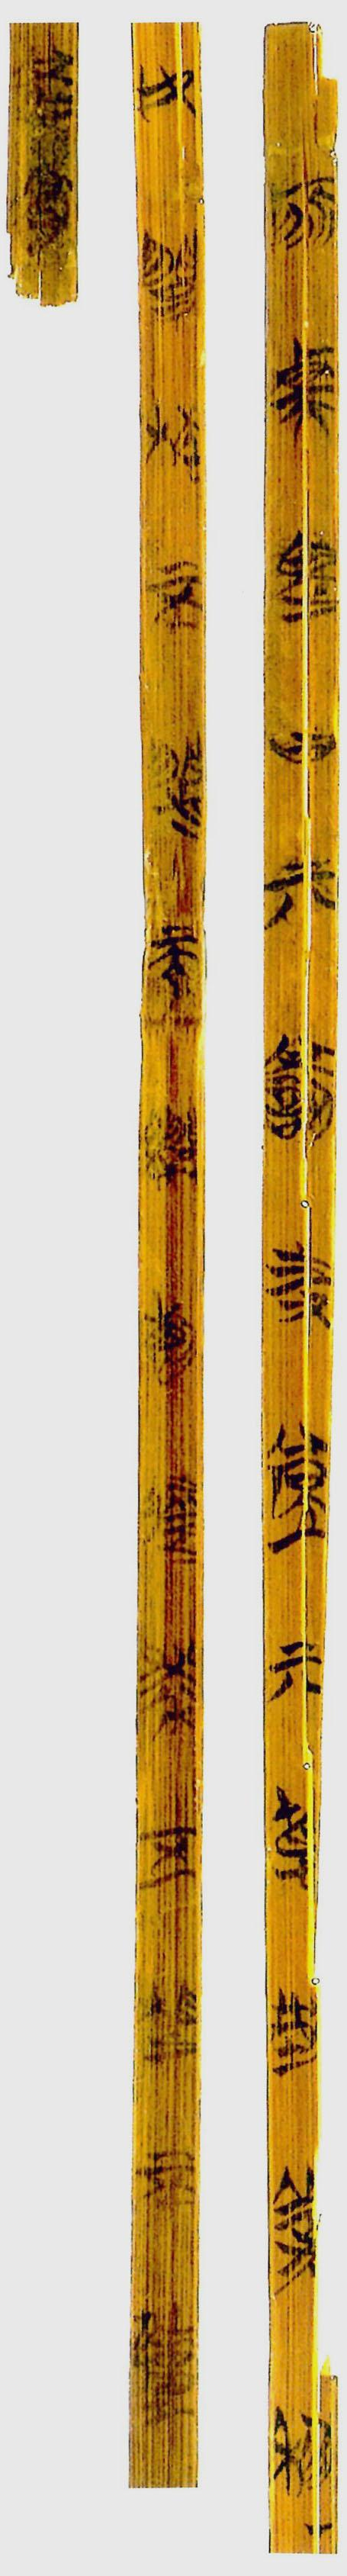所{真天}（祗）畏曰亓罰寺當亓惪型義利女{門串}（關）柭不閟而{糸興}{叀刀}{辶止㚔}（失）楑五{相止}不疆罔{冖肉}
